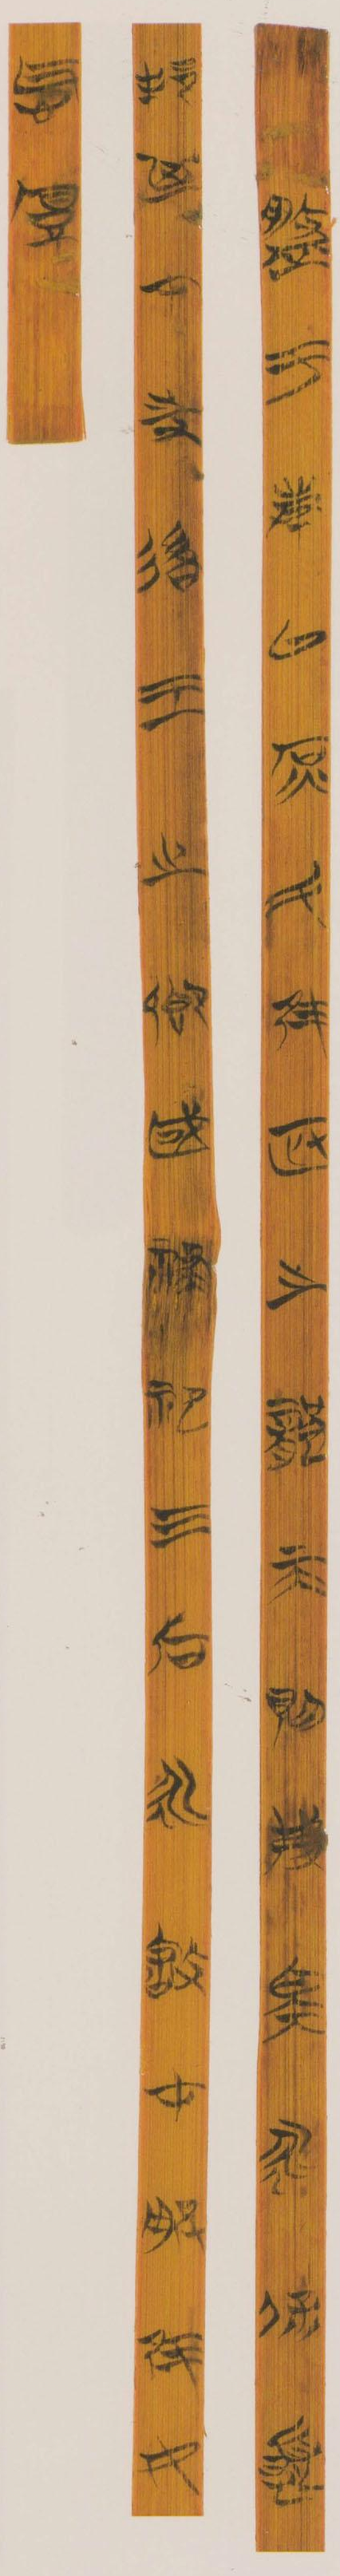盤于庚㠯（以）庶民隹政之{龍兄}天則弗{白矢}永保{日又頁}邦𠀠才寺{後口}王之卿或{衣聿}祀三后永{余口攴}才服隹女怠厚
